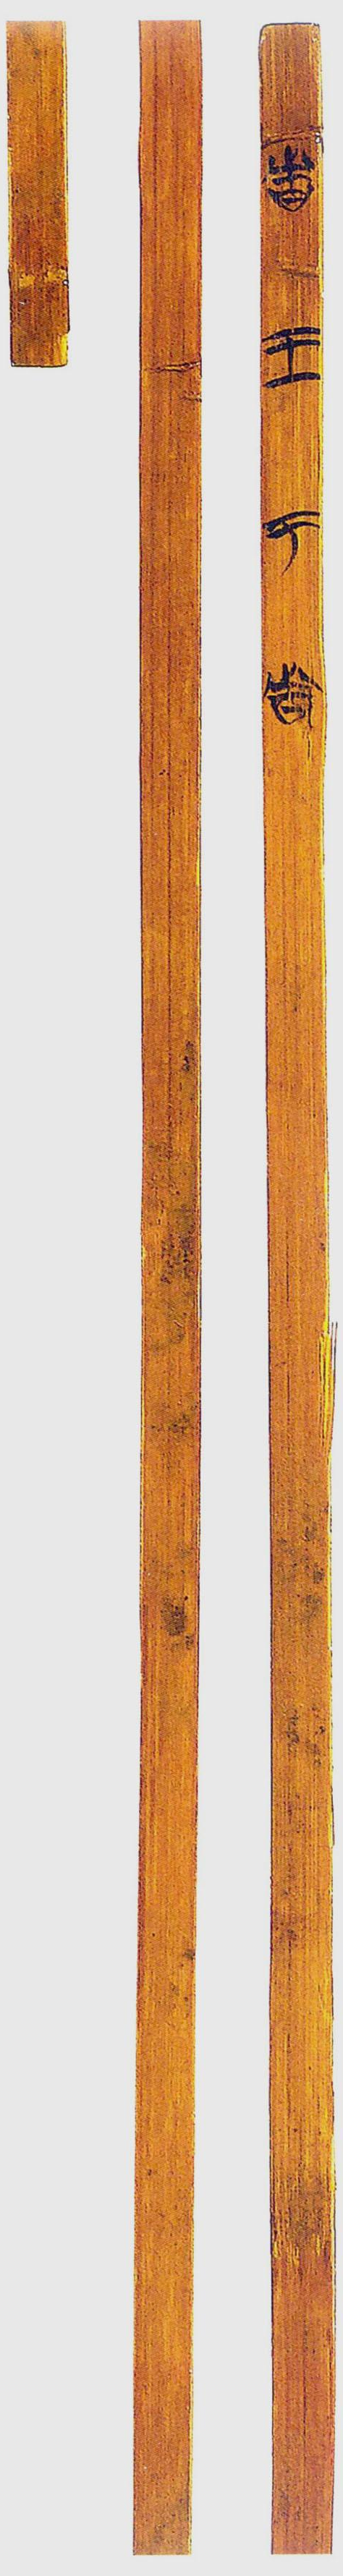周王于周
